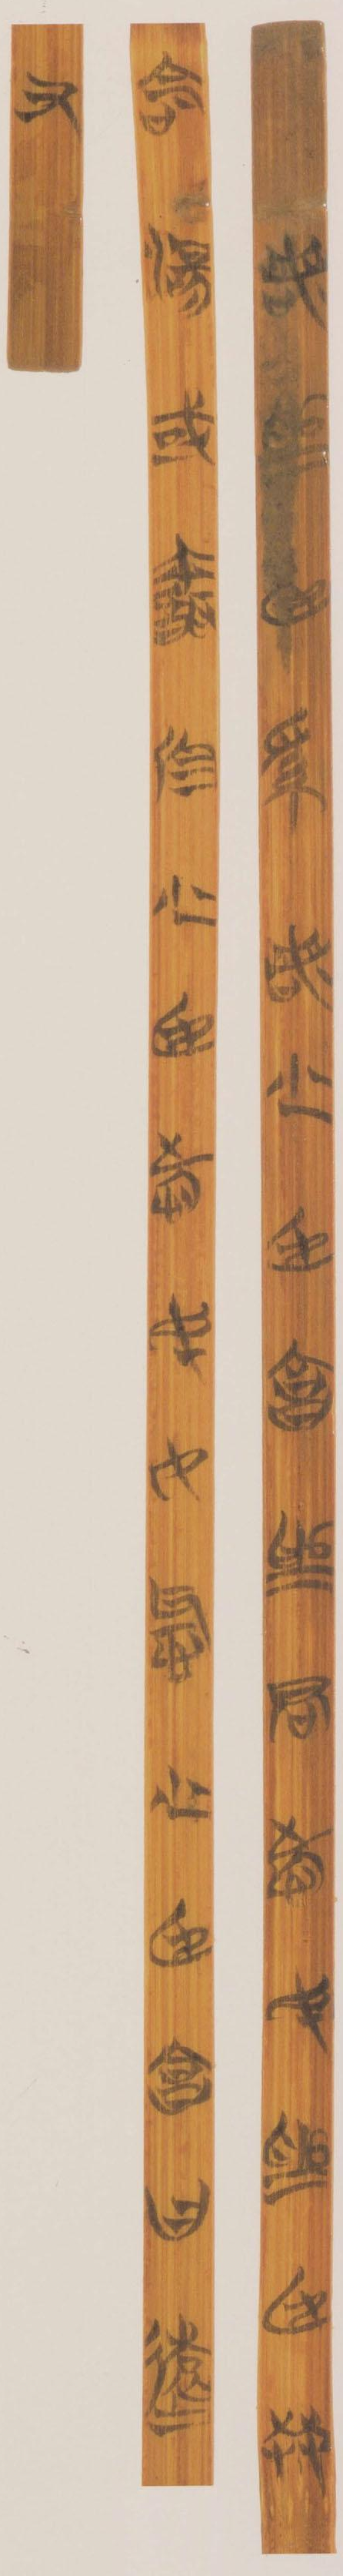若爲臣奚若少臣合爲君㤅民爲臣共命湯或{尒䎽}於少臣㤅民女怠少臣合曰遠又
